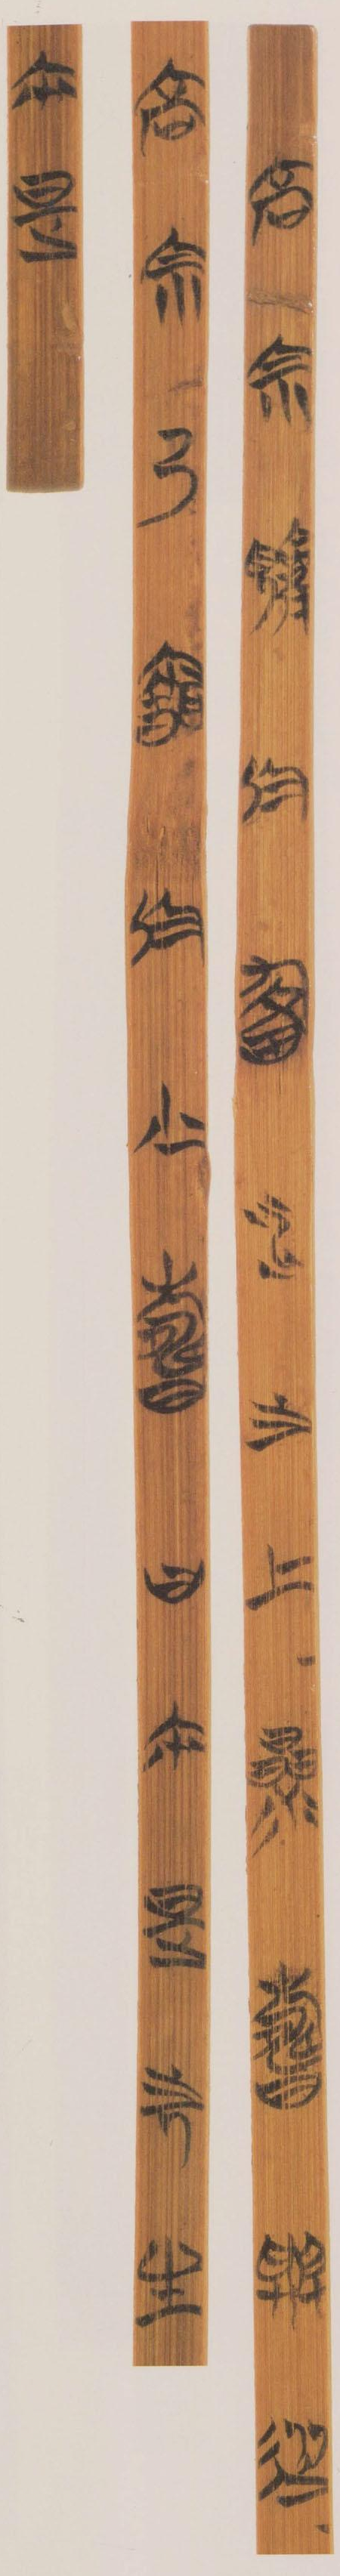高宗觀於{勹备}水之上參壽與從高宗乃{尒䎽}於少壽曰尔是先生尔是
